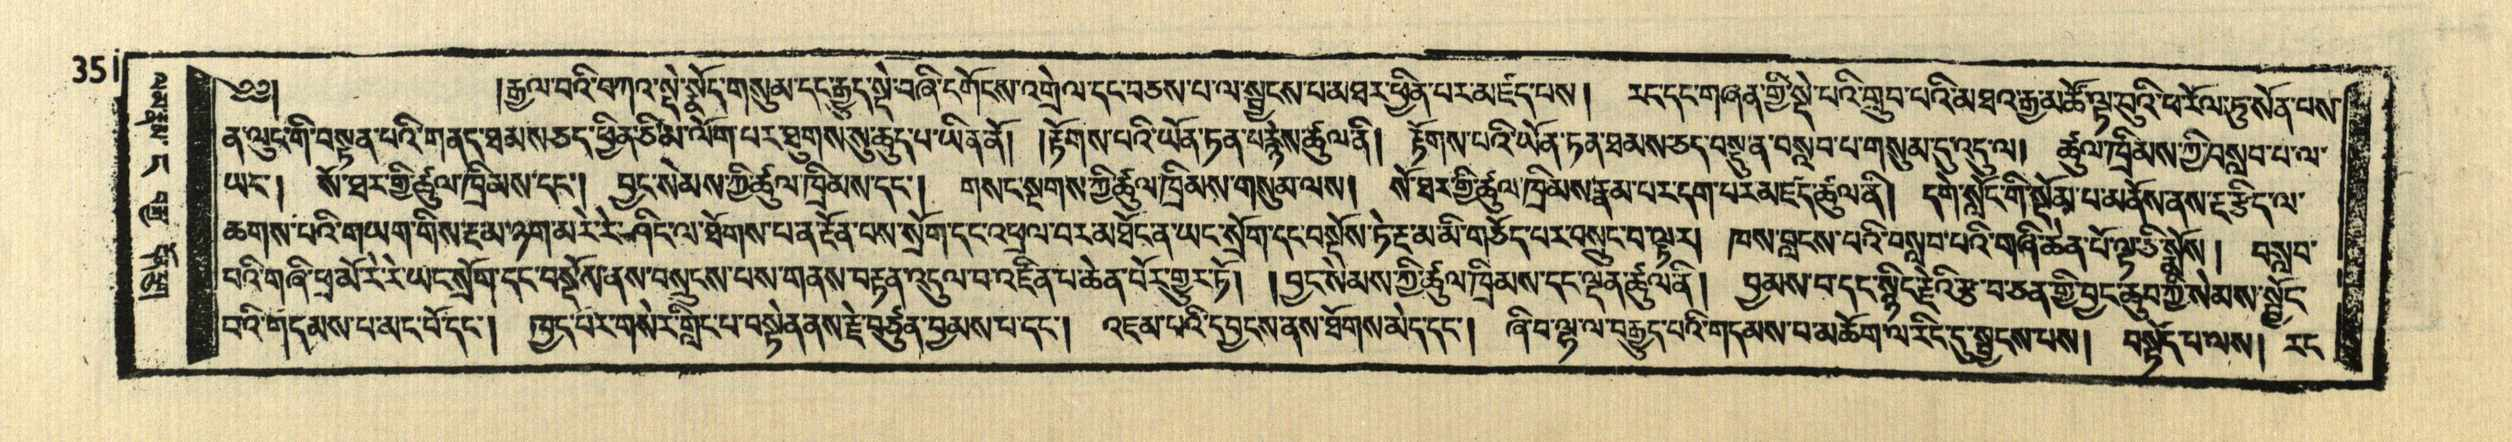༄༅། །རྒྱལ་བའི་བཀའ་སྡེ་སྣོད་གསུམ་དང་རྒྱུད་སྡེ་བཞི་དགོངས་འགྲེལ་དང་བཅས་པ་ལ་སྦྱངས་པ་མཐར་ཕྱིན་པར་མཛད་པས། རང་དང་གཞན་གྱི་སྡེ་པའི་གྲུབ་པའི་མཐའ་རྒྱ་མཚོ་ལྟ་བུའི་ཕ་རོལ་ཏུ་སོན་པས་
ན་ལུང་གི་བསྟན་པའི་གནད་ཐམས་ཅད་ཕྱིན་ཅི་མ་ལོག་པར་ཐུགས་སུ་ཆུད་པ་ཡིན་ནོ། །རྟོགས་པའི་ཡོན་ཏན་པ་རྙེས་ཚུལ་ནི། རྟོགས་པའི་ཡོན་ཏན་ཐམས་ཅད་བསྡུ་ན་བསླབ་པ་གསུམ་དུ་འདུ་ལ། ཚུལ་ཁྲིམས་ཀྱི་བསླབ་པ་ལ་
ཡང་། སོ་ཐར་གྱི་ཚུལ་ཁྲིམས་དང་། བྱང་སེམས་ཀྱི་ཚུལ་ཁྲིམས་དང་། གསང་སྔགས་ཀྱི་ཚུལ་ཁྲིམས་གསུམ་ལས། སོ་ཐར་གྱི་ཚུལ་ཁྲིམས་རྣམ་པར་དག་པར་མཛད་ཚུལ་ནི། དགེ་སློང་གི་སྡོམ་པ་མནོས་ནས་རྔ་རྩིད་ལ་
ཆགས་པའི་གཡག་གིས་རྔ་མ་ཉག་མ་རེ་རེ་ཤིང་ལ་ཐོགས་པ་ན་རྔོན་པས་སྲོག་དང་འཕྲལ་བར་མཐོང་ན་ཡང་སྲོག་དང་བསྡོས་ཏེ་རྔ་མ་མི་གཅོད་པར་བསྲུང་བ་ལྟར། ཁས་བླངས་པའི་བསླབ་པའི་གཞི་ཆེན་པོ་ལྟ་ཅི་སྨོས། བསླབ་
པའི་གཞི་ཕྲ་མོ་རེ་རེ་ཡང་སྲོག་དང་བསྡོས་ནས་བསྲུངས་པས་གནས་བརྟན་འདུལ་བ་འཛིན་པ་ཆེན་པོར་གྱུར་ཏོ། །བྱང་སེམས་ཀྱི་ཚུལ་ཁྲིམས་དང་ལྡན་ཚུལ་ནི། བྱམས་པ་དང་སྙིང་རྗེའི་རྩ་བ་ཅན་གྱི་བྱང་ཆུབ་ཀྱི་སེམས་སྦྱོང་
བའི་གདམས་པ་མང་པོ་དང་། ཁྱད་པར་གསེར་གླིང་པ་བསྟེན་ནས་རྗེ་བཙུན་བྱམས་པ་དང་། འཇམ་པའི་དབྱངས་ནས་ཐོགས་མེད་དང་། ཞི་བ་ལྷ་ལ་བརྒྱུད་པའི་གདམས་པ་མཆོག་ལ་རིང་དུ་སྦྱངས་པས། བསྟོད་པ་ལས། རང་